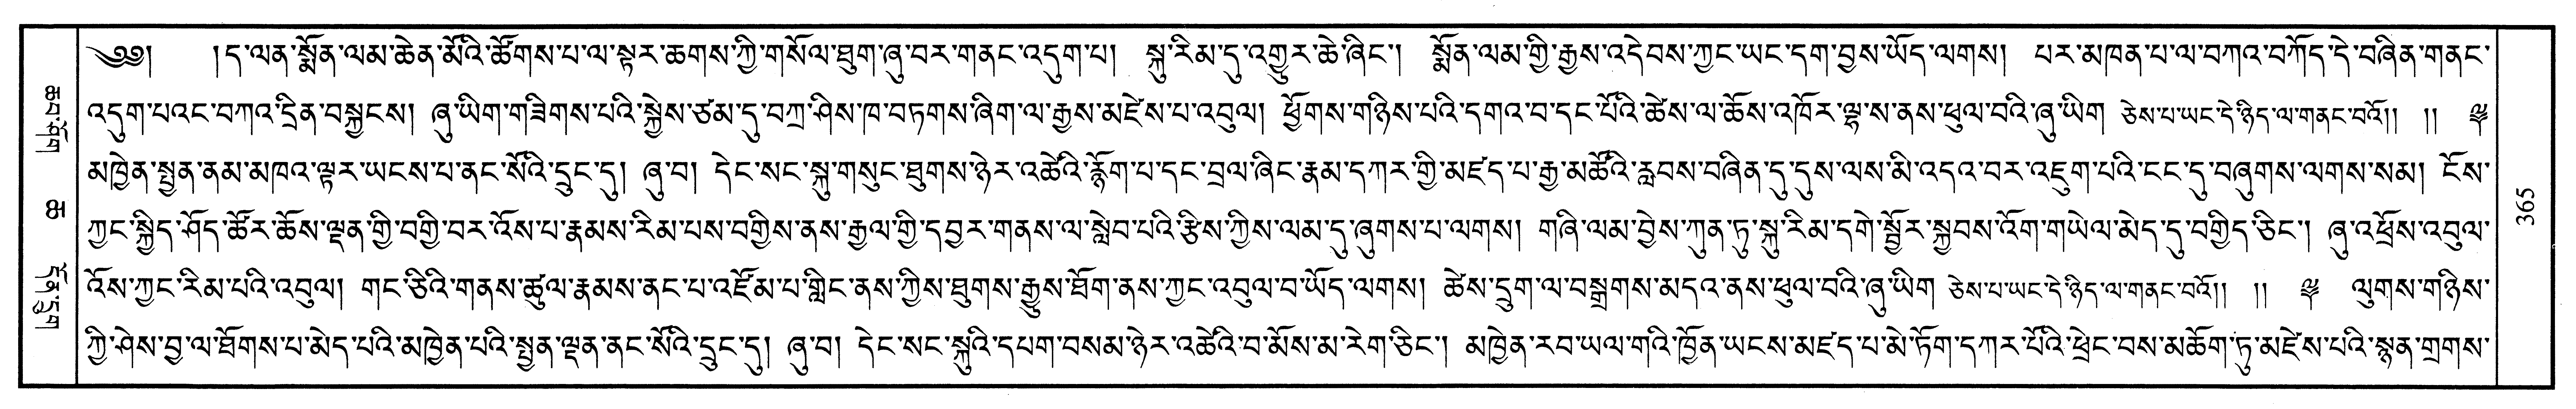༄༅། །ད་ལན་སྨོན་ལམ་ཆེན་མོའི་ཚོགས་པ་ལ་སྟར་ཆགས་ཀྱི་གསོལ་ཐུག་ཞུ་བར་གནང་འདུག་པ། སྐུ་རིམ་དུ་འགྱུར་ཆེ་ཞིང་། སྨོན་ལམ་གྱི་རྒྱས་འདེབས་ཀྱང་ཡང་དག་བྱས་ཡོད་ལགས། པར་མཁན་པ་ལ་བཀའ་བཀོད་དེ་བཞིན་གནང་
འདུག་པའང་བཀའ་དྲིན་བསྐྱངས། ཞུ་ཡིག་གཟིགས་པའི་སྐྱེས་ཙམ་དུ་བཀྲ་ཤིས་ཁ་བཏགས་ཞིག་ལ་རྒྱས་མཛེས་པ་འབུལ། ཕྱོགས་གཉིས་པའི་དགའ་བ་དང་པོའི་ཚེས་ལ་ཆོས་འཁོར་ལྷ་ས་ནས་ཕུལ་བའི་ཞུ་ཡིག་ཅེས་པ་ཡང་དེ་ཉིད་ལ་གནང་བའོ།། །། ༈
མཁྱེན་སྤྱན་ནམ་མཁའ་ལྟར་ཡངས་པ་ནང་སོའི་དྲུང་དུ། ཞུ་བ། དེང་སང་སྐུ་གསུང་ཐུགས་ཉེར་འཚེའི་རྙོག་པ་དང་བྲལ་ཞིང་རྣམ་དཀར་གྱི་མཛད་པ་རྒྱ་མཚོའི་རླབས་བཞིན་དུ་དུས་ལས་མི་འདའ་བར་འཇུག་པའི་ངང་དུ་བཞུགས་ལགས་སམ། ངོས་
ཀྱང་སྐྱིད་ཤོད་ཚོར་ཆོས་ལྡན་གྱི་བགྱི་བར་འོས་པ་རྣམས་རིམ་པས་བགྱིས་ནས་རྒྱལ་གྱི་དབྱར་གནས་ལ་སླེབ་པའི་རྩིས་ཀྱིས་ལམ་དུ་ཞུགས་པ་ལགས། གཞི་ལམ་བྱེས་ཀུན་ཏུ་སྐུ་རིམ་དགེ་སྦྱོར་སྐྱབས་འོག་གཡེལ་མེད་དུ་བགྱིད་ཅིང་། ཞུ་འཕྲོས་འབུལ་
འོས་ཀྱང་རིམ་པའི་འབུལ། གང་ཅིའི་གནས་ཚུལ་རྣམས་ནང་པ་འཛོམ་པ་གླིང་ནས་ཀྱིས་ཐུགས་རྒྱུས་ཐོག་ནས་ཀྱང་འབུལ་བ་ཡོད་ལགས། ཚེས་དྲུག་ལ་བསྒྲགས་མདའ་ནས་ཕུལ་བའི་ཞུ་ཡིག་ཅེས་པ་ཡང་དེ་ཉིད་ལ་གནང་བའོ།། །། ༈ ལུགས་གཉིས་
ཀྱི་ཤེས་བྱ་ལ་ཐོགས་པ་མེད་པའི་མཁྱེན་པའི་སྤྱན་ལྡན་ནང་སོའི་དྲུང་དུ། ཞུ་བ། དེང་སང་སྐུའི་དཔག་བསམ་ཉེར་འཚེའི་བ་མོས་མ་རེག་ཅིང་། མཁྱེན་རབ་ཡལ་གའི་ཁྱོན་ཡངས་མཛད་པ་མེ་ཏོག་དཀར་པོའི་ཕྲེང་བས་མཆོག་ཏུ་མཛེས་པའི་སྙན་གྲགས་